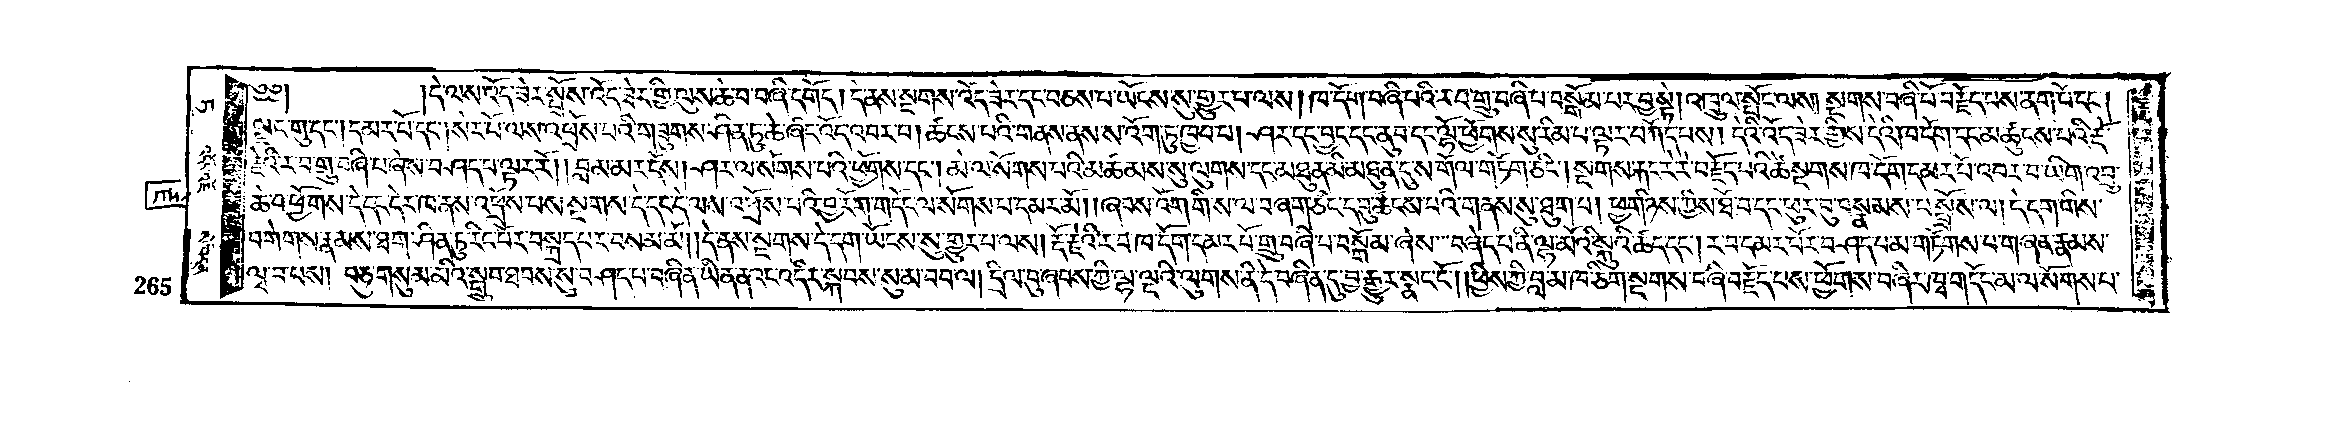༄༅། །དེ་ལས་འོད་ཟེར་སྤྲོས་འོད་ཟེར་གྱི་ལུས་ཆེ་བ་བཞི་དགོད། དེ་ནས་སྔགས་འོད་ཟེར་དང་བཅས་པ་ཡོངས་སུ་གྱུར་པ་ལས། ཁ་དོག་བཞི་པའི་རྭ་བ་གྲུ་བཞི་པ་བསྒོམ་པར་བྱ་སྟེ། འཁྲུལ་སྤོང་ལས། སྔགས་བཞི་པོ་བརྗོད་པས་ནག་པོ་དང་།
ལྗང་གུ་དང་། དམར་པོ་དང་། སེར་པོ་ལས་འཕྲོས་པའི་གཟུགས་ཤིན་ཏུ་ཆེ་ཞིང་འོད་འབར་བ། ཚངས་པའི་གནས་ནས་ས་འོག་ཏུ་ཁྱབ་པ། ཤར་དང་བྱང་དང་ནུབ་དང་ལྷོ་ཕྱོགས་སུ་རིམ་པ་ལྟར་བཀོད་པས། དེའི་འོད་ཟེར་གྱིས་དེའི་ཁ་དོག་དང་མཚུངས་པའི་རྡོ་
རྗེའི་ར་བ་གྲུ་བཞི་པ་ཞེས་བཤད་པ་ལྟར་རོ། །བླ་མ་མར་དེས། ཤར་ལ་སོགས་པའི་ཕྱོགས་དང་། མེ་ལ་སོགས་པའི་མཚམས་སུ་ལུགས་དང་མཐུན་མི་མཐུན་དུ་ས་གོལ་གཏོག་ཅིང་། སྔགས་རྐང་རེ་རེ་བརྗོད་པའི་ཚེ་སྔགས་ཁ་དོག་དམར་པོ་འབར་བ་ཡིག་འབྲུ་
ཆེ་བ་ཕྱོགས་དེ་དང་དེར་ཁ་ནས་འཕྲོས་པས་སྔགས་དེ་དང་དེ་ལས་འཕྲོས་པའི་བྱ་རོག་གདོང་ལ་སོགས་པ་དམར་མོ། །ཞབས་འོག་གི་ས་ལ་བཞག་ཅིང་དབུ་ཚངས་པའི་གནས་སུ་ཐུག་པ། ཕྱག་གཉིས་ཀྱིས་ཐོ་བ་དང་ཕུར་བུ་བསྣམས་པ་སྤྲོས་ལ། དེ་དག་གིས་
བགེགས་རྣམས་ཐག་ཤིན་ཏུ་རིང་པོར་བསྐྲད་པར་བསམ་མོ། །དེ་ནས་སྔགས་དེ་དག་ཡོངས་སུ་གྱུར་པ་ལས། རྡོ་རྗེའི་ར་བ་ཁ་དོག་དམར་པོ་གྲུ་བཞི་པ་བསྒོམ་ཞེས་བཞེད་པ་ནི་ལྷ་མོའི་སྐུའི་ཚད་དང་། ར་བ་དམར་པོར་བཤད་པ་མ་གཏོགས་པ་གཞན་རྣམས་
ལྭ་བ་པས། བཅུ་གསུམ་མའི་སྒྲུབ་ཐབས་སུ་བཤད་པ་བཞིན་ཡིན་ནའང་འདིར་སྐབས་སུ་མ་བབ་ལ། དྲིལ་བུ་ཞབས་ཀྱི་ལྷ་ལྔའི་ལུགས་ནི་དེ་བཞིན་དུ་བྱ་རྒྱུར་སྣང་ངོ། །ཕྱིས་ཀྱི་བླ་མ་ཁ་ཅིག་སྔགས་བཞི་བརྗོད་པས་ཕྱོགས་བཞིར་ཁྭ་གདོང་མ་ལ་སོགས་པ་